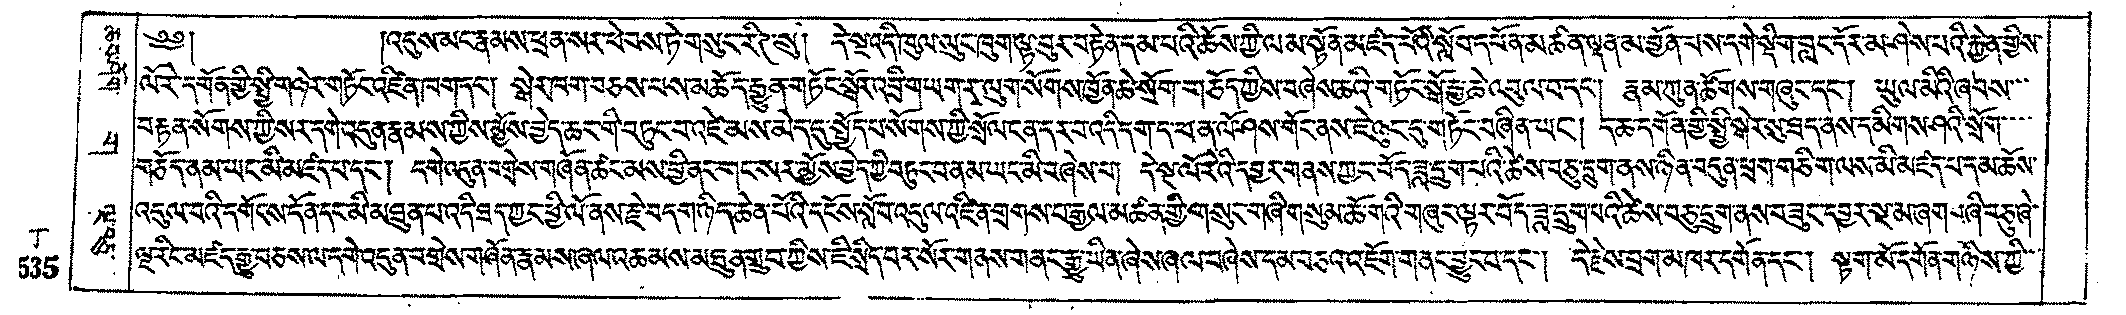༄༅། །འདུས་མང་རྣམས་ཕྲན་སར་ཕེབས་ཏེ་གསུང་རིཊ་སུ། དེ་སྔ་འདི་ཁུལ་ལུང་ཁུག་ལྟ་བུར་བརྟེན་དམ་པའི་ཆོས་ཀྱི་ལམ་སྟོན་མཛད་པོའི་སློབ་དཔོན་མཚན་ལྡན་མ་བྱོན་པས་དགེ་སྡིག་བླང་དོར་མ་ཤེས་པའི་རྐྱེན་གྱིས་
ལོ་རེ་དགོན་གྱི་སྤྱི་གཉེར་གཏོང་འཛིན་ཁག་དང་། སྒེར་ཁག་བཅས་པས་མཆོད་རྒྱུན་གཏོང་སྒོར་འབྲི་གཡག་རྭ་ལུག་སོགས་ཁྱོན་ཆེ་སྲོག་གཅོད་ཀྱིས་བཞེས་ཆའི་གཏོང་སྒོ་རྒྱ་ཆེ་འབུལ་བ་དང་། རྣམ་ཀུན་ཚོགས་གཞུང་དང་། ཡུལ་མིའི་ཞབས་་་
བརྟན་སོགས་ཀྱི་སར་དགེ་འདུན་རྣམས་ཀྱིས་མྱོས་བྱེད་ཆང་གི་བཏུང་བ་འཛེམས་མེད་དུ་སྤྱོད་པ་སོགས་ཀྱི་སྲོལ་ངན་དར་བ་འདི་དག་ད་ཕན་ལོ་ཤས་གོང་ནས་ཇེ་ཉུང་དུ་གཏོང་བཞིན་ཡང་། ད་ཆ་དགོན་གྱི་སྤྱི་སྒེར་སུ་ཐད་ནས་དམིགས་ཤའི་སྲོག་་་
གཅོད་ནམ་ཡང་མི་མཛད་པ་དང་། དགེ་འདུན་བགྲེས་གཞོན་ཚང་མས་ཕྱི་ནང་གང་སར་མྱོས་བྱེད་ཀྱི་བཏུང་བ་ནམ་ཡང་མི་བཞེས་པ། དེ་སྔ་ལོ་རེའི་དབྱར་གནས་ཀྱང་བོད་ཟླ་དྲུག་པའི་ཚེས་བཅུ་དྲུང་ནས་ཉིན་བདུན་ཕྲག་གཅིག་ལས་མི་མཛད་པ་དམ་ཆོས་
འདུལ་བའི་དགོངས་དོན་དང་མི་མཐུན་པ་འདི་ཐད་ཀྱང་ཕྱི་ལོ་ནས་རྗེ་བདག་ཉིད་ཆེན་པོའི་དངོས་སློབ་འདུལ་འཛིན་གྲགས་པ་རྒྱལ་མཚན་གྱི་གསུང་གཞི་གསུམ་ཆོ་གའི་གཞུང་ལྟར་བོད་ཟླ་དྲུག་པའི་ཚེས་བཅུ་དྲུག་ནས་བཟུང་དབྱར་སྔ་མ་ཞག་བཞི་བཅུ་ཞེ་
ལྔ་རིང་མཛད་རྒྱུ་བཅས་ལ་དགེ་འདུན་བགྲེས་གཞོན་རྣམས་ཞལ་འཆམས་མཐུན་གྲུབ་ཀྱིས་ཇི་སྲིད་བར་སོར་གནས་གནང་རྒྱུ་ཡིན་ཞེས་ཞལ་བཞེས་དམ་བཅའ་འཇོག་གནང་བྱུང་བ་དང་། དེ་རྗེས་བྲག་མཁར་དགོན་དང་། སྟག་མོ་དགོན་གཉིས་ཀྱི་་་